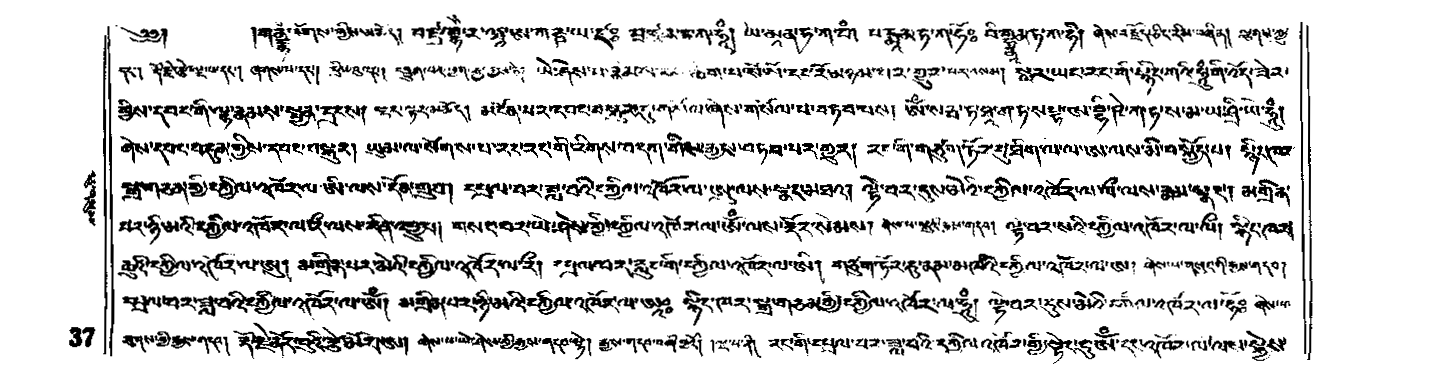༄༅། །གནྡྷཾ་སོགས་ཀྱིས་མཆོད།  བཛྲ་བྷཻ་ར་ཝཱ་ཨ་ཀརྵ་ཡ་ཛཿ པྲ་ཛཱན?་ཏ་ཀ་ཧཱུཾ། ཡེ་མཱན་ཏ་ཀ་པཾ། པདམཱ་མ་ཏ་ཀ་ཧོཿ བི་གྷྣཱམ་ཏ་ཀ་ཧི། ཞེས་བརྗོད་ཅིང་རིམ་བཞིན། ལྕགས་ཀྱུ་
དང་། རྡོ་རྗེ་རྩེ་ལྔ་པ་དང་། ཞགས་པ་དང་། དྲིལ་བུ་དང་། དབྱུག་པའི་ཕྱག་རྒྱ་བྱས་ཏེ། ཡེ་ཤེས་པ་རྣམས་དམ་ཚིག་པ་སོ་སོ་དང་རོ་མཉམ་པར་གྱུར་པར་བསམ།  སླར་ཡང་རང་གི་སྙིང་གའི་ཧཱུཾ་གི་འོད་ཟེར།
གྱིས་དབང་གི་ལྷ་རྣམས་སྤྱན་དྲངས། སྔར་ལྟར་མཆོད།  མངོན་པར་དབང་བསྐུར་དུ་གསོལ་ཞེས་གསོལ་པ་བཏབ་པས། ཨོཾ་སརྦ་ཏ་ཐཱ་ག་ཏ་སཔྟ་ཨ་བྷི་ཥེ་ཀ་ཏ་ས་མ་ཡ་ཤྲི་ཡེ་ཧཱུཾ།
ཞེས་དབང་བདུན་གྱིས་དབང་བསྐུར། ཡུམ་ལ་སོགས་པ་རང་རང་གི་རིགས་བདག་གིས་རྒྱས་བཏབ་པར་གྱུར། རང་གི་གཙུག་ཏོར་དུ་ཐིག་ལེ་ལ་ཨ་ལས་མི་བསྐྱོད་པ། སྙིང་ཁར?
སྒྲ་གཅན་གྱི་དཀྱིལ་འཁོར་ལ་ཨི་ལས་དོན་གྲུབ། དཔྲལ་བར་ཟླ་བའི་དཀྱིལ་འཁོར་ལ་ཨུ་ལས་སྣང་མཐའ། ལྟེ་བར་དུས་མེའི་དཀྱིལ་འཁོར་ལ་ལྀ་ལས་རྣམ་སྣང་། མགྲིན་
པར་ཉི་མའི་དཀྱིལ་འཁོར་ལ་རྀ་ལས་རིན་འབྱུང་། གསང་བར་ཡེ་ཤེས་ཀྱི་དཀྱིལ་འཁོར་ལ་ཨོཾ་ལས་རྡོར་སེམས། ཞེས་པ་སྐུའི་རྒྱས་གདབ།  ལྟེ་བར་སའི་དཀྱིལ་འཁོར་ལ་ལྀ། སྙིང་ཁར།
ཆུའི་དཀྱིལ་འཁོར་ལ་ཨུ། མགྲིན་པར་མེའི་དཀྱིལ་འཁོར་ལ་རྀ། དབྲལ་བར་རླུང་གི་དཀྱིལ་འཁོར་ལ་ཨི། གཙུག་ཏོར་དུ་ནམ་མཁའི་དཀྱིལ་འཁོར་ལ་ཨ། ཞེས་པ་གསུང་གི་རྒྱས་གདབ།  དཔྲལ་བར་ཟླ་བའི་དཀྱིལ་འཁོར་ལ་ཨོཾ། མགྲིན་པར་ཉི་མའི་དཀྱིལ་འཁོར་ལ་ཨཱཿ སྙིང་ཁར་སྒྲ་གཅན་གྱི་དཀྱིལ་འཁོར་ལ་ཧཱུཾ། ལྟེ་བར་དུས་མེའི་དཀྱིལ་འཁོར་ལ་ཧོཿ ཞེས་པ་
ཐུགས་ཀྱི་རྐྱངས་གདབ། རྡོ་རྗེ་ནོར་བུའི་རྩེ་མོར་ཨ། ཞེས་པ་ཡེ་ཤེས་ཀྱི་རྒྱས་གདབ་སྟེ། རྒྱས་གདབ་བཞི་བྱའོ། །ལྔ་པ་ནི།  རང་གི་དཔྲལ་བར་ཟླ་བའི་དཀྱིལ་འཁོར་གྱི་སྟེང་དུ་ཨོཾ་དང་འཁོར་ལོ་ལས་སྐྱེས་